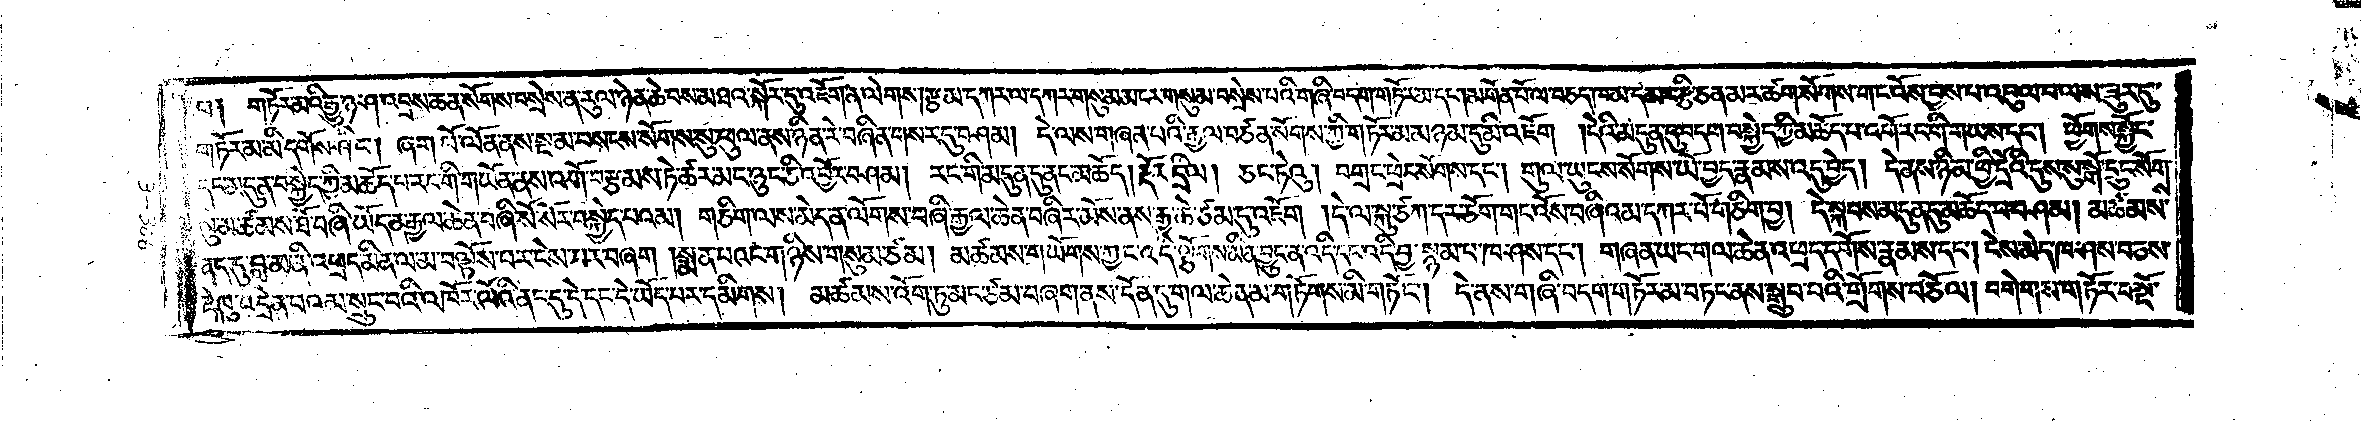བ། གཏོར་མའི་རྒྱུ་ཉ་ཤ་འབྲས་ཆན་སོགས་བསྲེས་ན་རུལ་ཉེན་ཆེ་བས་མཐའ་སྐོར་དུ་འཇོག་ན་ལེགས། རྩ་མ་དཀར་གསུམ་མངར་གསུམ་བསྲེ་པའི་གཞིབ་དག་གཏོར་མ་དག་མགོན་པོ་ལ་བཅད་ཁམ་དམ་བརྩི་ཅན་མར་ཚག་སོགས་གང་འོས་བྱས་པ་འབུལ་བ་ལས་ཟུར་དུ་
གཏོར་མ་མི་དགོས་ཤིང་། ཞག་པོ་ལོན་ནས་སྔ་མ་བསངས་སོགས་སུ་ཕུལ་ནས་ཉིན་རེ་བཞིན་གསར་དུ་བཤམ། དེ་ལས་གཞན་པའི་རྒྱལ་བཙན་སོགས་ཀྱི་གཏོར་མ་མཉམ་དུ་མི་འཇོག །དེའི་མདུན་དུ་བདག་བསྐྱེད་ཀྱི་མཆོད་པ་འགོ་རང་གི་གཡས་དང་། ཕྱོགས་སྐྱོང་
དང་མདུན་བསྐྱེད་ཀྱི་མཆོད་པ་རང་གི་གཡོན་ནས་འོག་བརྩམས་ཏེ་ལྟར་མང་ཉུང་ཅི་འབྱོར་བཤམ། རང་གུ་མདུན་དུ་ནང་མཆོད། རྡོར་དྲིལ། ཅང་ཏེའུ། བགྲང་ཕྲེང་སོགས་དང་། གུལ་ཡུངས་སོགས་ཡོ་བྱད་རྣམས་འདུ་བྱེད། དེ་ནས་ཉི་མ་ཕྱི་དྲོའི་དུས་སུ་སྒོ་དྲུག་སོགས་
སུ་མཚམས་ཐོ་བཞི་ཡོད་ན་རྒྱལ་ཆེན་བཞི་སོ་སོར་བསྐྱེད་པའམ། གཅིག་ལས་མེད་ན་ལོགས་བཞི་རྒྱལ་ཆེན་བཞིར་མོས་ནས་རྒྱ་ཆེ་ཙམ་དུ་འཇོག །དེ་ལ་སྐུ་ཙཀ་དར་ཅོག་གང་འོས་བཞིའམ་དཀར་པོ་གཅིག་བྱ། དེ་སྐབས་མདུན་དུ་མཆོད་པ་བཤམ། མཚམས་
ནད་དུ་བླ་མ་ནི་འཕྲད་མིན་ལ་མ་བལྟོས་པར་ངེས་པར་བཞག །སྨན་པའང་གཉིས་གསུམ་ཙམ། མཚམས་གཡོགས་ཀྱང་འདི་ལྕོགས་མིན་བྱུང་ན་འདི་དང་འདི་བྱ་སྙམ་པ་ཁ་ཤས་དང་། གཞན་ཡང་གལ་ཆེན་འཕྲད་དགོས་རྣམས་དང་། ངེས་མེད་ཁ་ཤས་བཅས་
རྡོ་ཁུ་འདྲེན་པའམ་སྲུང་བའི་འཁོར་ལོའི་ནང་དུ་དེ་དང་དེ་ཡོད་པར་དམིགས། མཚམས་འོག་ཏུ་མང་ཙམ་བཞག་ནས་དོན་དུ་གལ་ཆེན་མ་གཏོགས་མི་གཏོང་། དེ་ནས་གཞི་བདག་གཏོར་མ་བཏང་ནས་སྒྲུབ་པའི་གྲོགས་བཅོལ། བགེགས་གཏོར་བསྔོ་